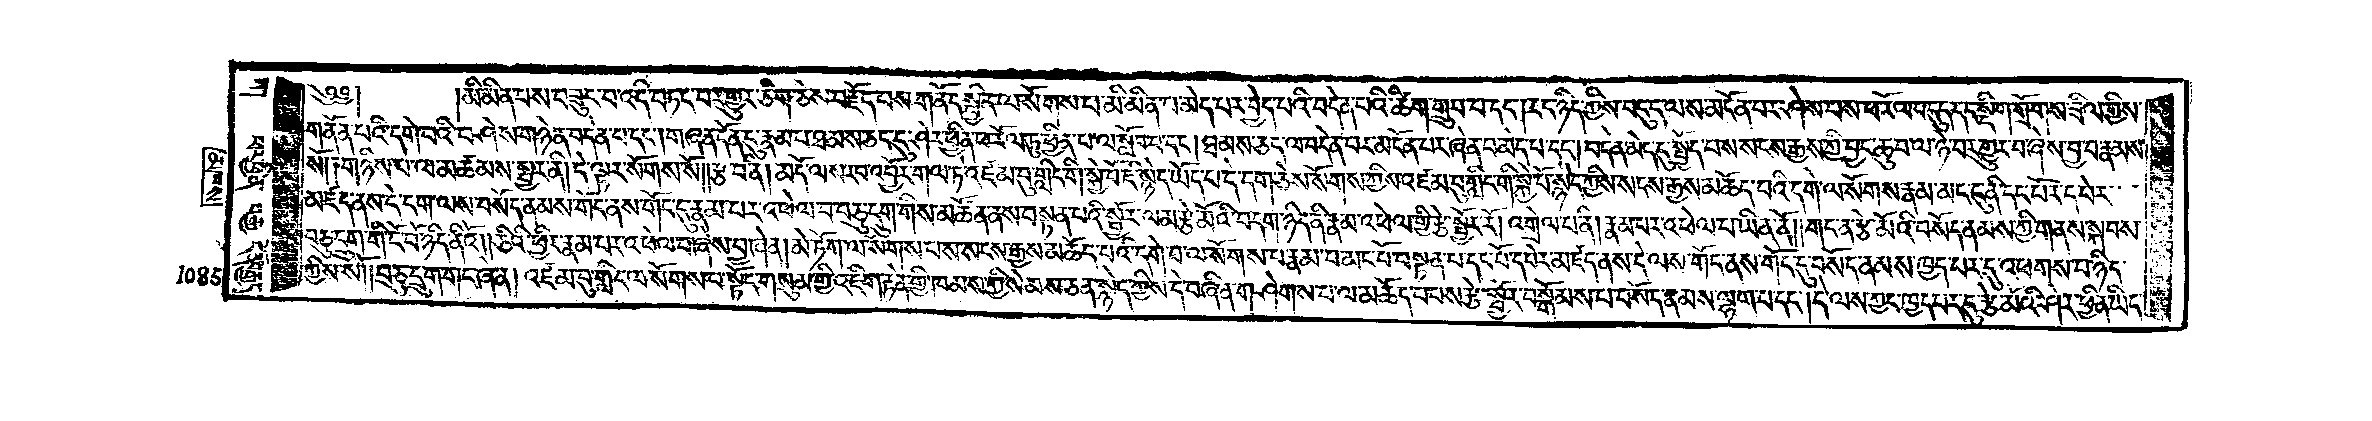༄༅། །མི་མིན་པས་བཟུང་བ་འདི་བཏང་བར་གྱུར་ཅིག་ཅེས་བརྗོད་པས་གནོད་སྦྱིན་ལ་སོགས་པ་མི་མིན་པ་མེད་པར་བྱེད་པའི་བདེན་པའི་ཚིག་གྲུབ་པ་དང་། རང་ཉིད་ཀྱིས་བདུད་ལས་མངོན་པར་ཤེས་པས་ཕ་རོལ་བདུད་དང་སྡིག་གྲོགས་ཟིལ་གྱིས་
གནོན་པའི་དགེ་བའི་བཤེས་གཉེན་བདེན་པ་དང་། གཞན་དོན་དུ་རྣམ་པ་ཐམས་ཅད་དུ་ཤེར་ཕྱིན་ཕ་རོལ་ཏུ་ཕྱིན་པ་ལ་སློབ་པ་དང་། ཐམས་ཅད་ལ་བདེན་པར་མངོན་པར་ཞེན་པ་མེད་པ་དང་། བདེན་མེད་དུ་སྤྱོད་པས་སངས་རྒྱས་ཀྱི་བྱང་ཆུབ་ལ་ཉེ་བར་གྱུར་བ་ཞེས་བྱ་བ་རྣམས་
སོ༑ །གཉིས་པ་ལ་མཚམས་སྦྱར་ནི། དེ་ལྟར་སོགས་སོ། །རྩ་བ་ནི། མདོ་ལས་རབ་འབྱོར་གལ་ཏེ་འཛམ་བུ་གླིང་གི་སྐྱེ་བོ་ཇི་སྙེད་ཡོད་པ་དེ་དག་ཅེས་སོགས་ཀྱིས་འཛམ་བུ་གླིང་གི་སྐྱེ་བོ་སྙེད་ཀྱིས་སངས་རྒྱས་མཆོད་པའི་དགེ་ལ་སོགས་རྣམ་མང་དུ་ནི་དང་པོར་དཔེར་
མཛད་ནས་དེ་དག་ལས་བསོད་ནམས་གོང་ནས་གོང་དུ་རྣམ་པར་འཕེལ་བ་བཅུ་དྲུག་གིས་མཚོན་ནས་བསྟན་པའི་སྦྱོར་ལམ་རྩེ་མོའི་བདག་ཉིད་ནི་རྣམ་འཕེལ་གྱི་རྩེ་སྦྱོར་རོ། འགྲེལ་པ་ནི། རྣམ་པར་འཕེལ་པ་ཡིན་ནོ། །གང་ན་རྩེ་མོའི་བསོད་ནམས་ཀྱི་གནས་སྐབས་
བཅུ་དྲུག་གི་ངོ་བོ་ཉིད་ནིའོ། །ཅིའི་ཕྱིར་རྣམ་པར་འཕེལ་བ་ཞེས་བྱ་ཞེ་ན། མེ་ཏོག་ལ་སོགས་པས་སངས་རྒྱས་མཆོད་པའི་དགེ་བ་ལ་སོགས་པ་རྣམ་པ་མང་པོ་བསྟན་པ་དང་པོ་དཔེར་མཛད་ནས་དེ་ལས་གོང་ནས་གོང་དུ་བསོད་ནམས་ཁྱད་པར་དུ་འཕགས་པ་ཉིད་
ཀྱིས་སོ། །བཅུ་དྲུག་གང་ཞེ་ན། འཛམ་བུ་གླིང་ལ་སོགས་པ་སྟོང་གསུམ་གྱི་འཇིག་རྟེན་གྱི་ཁམས་ཀྱི་སེམས་ཅན་སྙེད་ཀྱིས་དེ་བཞིན་གཤེགས་པ་ལ་མཆོད་པ་པས་རྩེ་སྦྱོར་བསྒོམས་པ་བསོད་ནམས་ལྷག་པ་དང་། དེ་ལས་ཀྱང་ཁྱད་པར་དུ་རྩེ་མོའི་ཤེར་ཕྱིན་ཡིད་